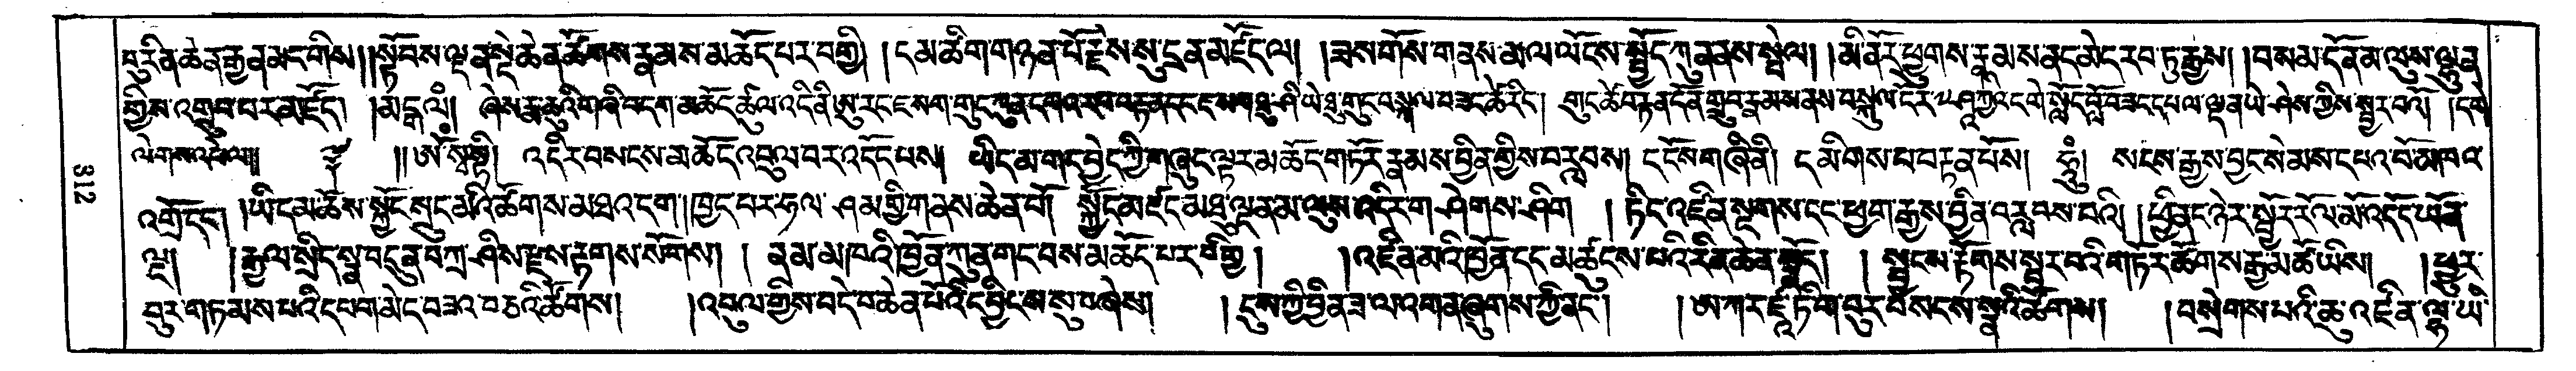བུ་རིན་ཆེན་རྒྱན་མང་གིས། །སྟོབས་ལྡན་སྡེ་ཆེན་ཚོགས་རྣམས་མཆོད་པར་བགྱི། །དམ་ཚིག་གཉན་པོ་རྗེས་སུ་དྲན་མཛོད་ལ། །ཟས་གོས་གནས་མལ་ལོངས་སྤྱོད་ཀུན་ནས་སྤེལ། །མི་ནོར་ཕྱུགས་རྣམས་ནད་མེད་རབ་ཏུ་རྒྱས། །བསམ་དོན་མ་ལུས་ལྷུན་
གྱིས་འགྲུབ་པར་མཛོད། །མངྒཾ་ལཾ། ཞེས་རྨ་ཆུའི་གཞི་བདག་མཆོད་ཚུལ་འདི་ནི་ཨུ་རང་ཇ་སག་གུང་ཀུན་དགའ་རབ་བརྟན་དང་ཇ་སག་ཐུ་ཤི་ཡེ་ཐུ་གུང་བསྐལ་བཟང་ཚེ་རིང་། གུང་ཚེ་བརྟན་དོན་གྲུབ་རྣམས་ནས་བསྐུལ་ངོར ༧་ཤཱཀྱའི་དགེ་སློང་བློ་བཟང་དཔལ་ལྡན་ཡེ་ཤེས་ཀྱིས་སྦྱར་བའོ། །དགེ་
ལེགས་འཕེལ།། ༈ །།ཨོཾ་སྭསྟི། འདིར་བསངས་མཆོད་འབུལ་བར་འདོད་པས། ཡི་དམ་གང་བྱེད་ཀྱི་གཞུང་ལྟར་མཆོད་གཏོར་རྣམས་བྱིན་གྱིས་བརླབས། དངོས་གཞི་ནི། དམིགས་པ་བརྟན་པོས། །ཧཱུཾ། སངས་རྒྱས་བྱང་སེམས་དཔའ་བོ་མཁའ་
འགྲོ་དང་། །ཡི་དམ་ཆོས་སྐྱོང་སྲུང་མའི་ཚོགས་མཐའ་དག། །ཁྱད་པར་ཧལ་ཤན་གྱི་གནས་ཆེན་པོ། །སྐྱོད་མཛད་མཐུ་ལྡན་མ་ལུས་འདིར་གཤེགས་ཤིག །ཏིང་འཛིན་སྔགས་དང་ཕྱག་རྒྱས་བྱིན་བརླབས་པའི། །ཕྱི་ནང་ཉེར་སྤྱོད་རོལ་མོ་འདོད་ཡོན་
ལྔ། །རྒྱལ་སྲིད་སྣ་བདུན་བཀྲ་ཤིས་རྫས་རྟགས་སོགས། །ནམ་མཁའི་ཁྱོན་ཀུན་གང་བས་མཆོད་པར་བགྱི། །འཛིན་མའི་ཁྱོན་དང་མཚུངས་པའི་རིན་ཆེན་སྣོད། །སྦྱངས་རྟོགས་སྤར་བའི་གཏོར་ཚོགས་རྒྱ་མཚོ་ཡིས། །ཕྱུར་
བུར་གཏམས་པའི་དཔག་མེད་བཟའ་བཅའི་ཚོགས། །འབུལ་གྱིས་བདེ་བ་ཆེན་པོའི་དབྱིངས་སུ་བཞེས། །དུས་ཀྱི་བྱིན་ཟ་ལ་འགྲན་ཞུགས་ཀྱི་ནང་། །ཨ་ཀར་ཛཱ་ཏི་ག་བུར་བསངས་སྣའི་ཚོགས། །བསྲེགས་བའི་ཆུ་འཛིན་ལྷ་ཡི་